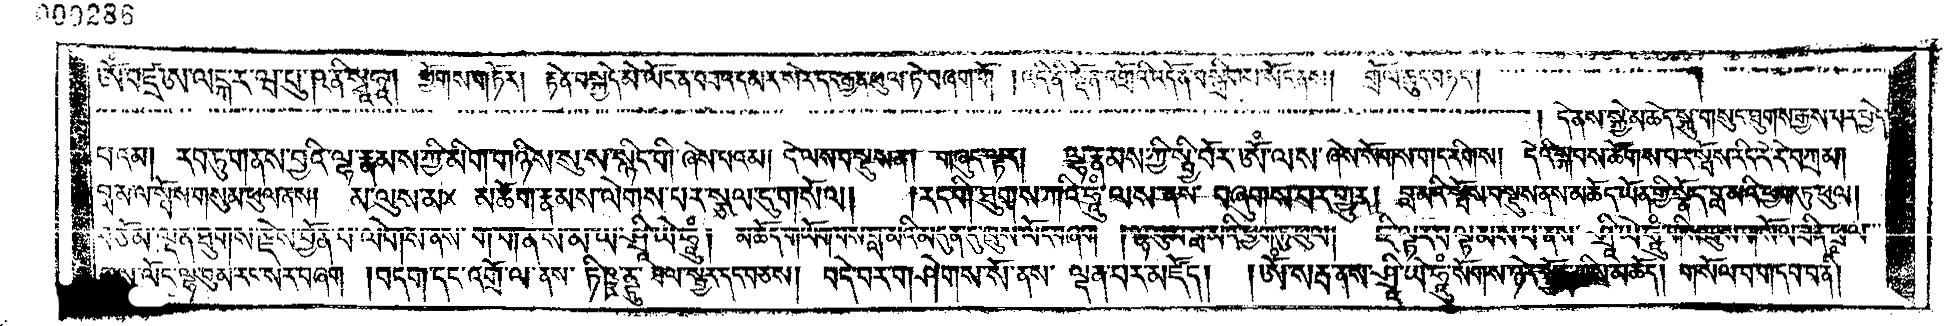ཨོཾ་བཛྲ་ཨ་ལངྐ་ར་ཝ་པུ་ཥ་ནི་སྭཱ་ཧཱ། ཕྱོགས་གཏོར། རྟེན་བསྐྱེད་མེ་ལོང་ན་བཟའ་དམར་སེར་དང་རྒྱན་ཕུལ་ཏེ་བཞག་གོ །འདི་ནི་སྔོན་འགྲོའི་འདོན་བསྒྲིགས་སོང་ནས། གྲོལ་ཆུང་བཏང་། ???
།དེ་ནས་སྐྱེ་མཆེད་སྐུ་གསུང་ཐུགས་རྒྱས་པར་བྱེད་
པའམ། རབ་ཏུ་གནས་བྱའི་ལྷ་རྣམས་ཀྱི་མིག་གཉིས་སུ་ས་སྙིང་གི་ཞེས་པའམ། དེ་ལས་བསྡུས་ན། གཞུང་ལྟར།  ལྷ་རྣམས་ཀྱི་སྤྱི་བོར་ཨོཾ་ལས་ཞེས་སོགས་གང་རིགས། དེའི་སྐབས་ཚོགས་པར་སྤོས་རིང་རེ་རེ་བཀྲམ།
བླ་མ་ལ་སྤོས་གསུམ་ཕུལ་ནས། མ་ལུས་མ྾་མཆོག་རྣམས་ལེགས་པར་སྩལ་དུ་གསོལ། །རང་གི་ཐུགས་ཀའི་ཧཱུཾ་ལས་ནས་བཞུགས་པར་གྱུར། བླ་མའི་སྤོས་བསྡུས་ནས་མཆོད་ཡོན་གྱི་སྣོད་བླ་མའི་ཕྱག་ཏུ་ཕུལ།
བཅོམ་ལྡན་ཐུགས་རྗེས་བྱོན་པ་ལེགས་ནས་ག་ག་ན་ས་མ་ཡ་ཤྲཱི་ཡེ་ཧཱུཾ། མཆོད་གཡོག་པས་བླ་མའི་མདུན་དུ་ཁྲུས་ལོང་བཞག །ལྷ་བུམ་བླ་མའི་ཕྱག་ཏུ་ཕུལ།  ཇི་ལྟར་བལྟམས་པ་ནས་ཤྲཱི་ཡེ་ཧཱུཾ་གིས་ཁྲུས་གསོལ་ཟིན་ཕྲལ་
ཁྲུས་ལོང་ལྷ་བུམ་རང་སར་བཞག །བདག་དང་འགྲོ་ལ་ནས་ཏི་ཥཊཿཨ་ནྟུ་ཐལ་སྦྱར་དང་བཅས།  བདེ་བར་གཤེགས་སོ་ནས་ལྡན་པར་མཛོད། །ཨོཾ་སརྦ་ནས་ཤྲཱི་ཡེ་ཧཱུཾ་སོགས་ཉེར་སྤྱོད་ཀྱིས་མཆོད། གསོལ་བ་གདབ་པ་ནི།